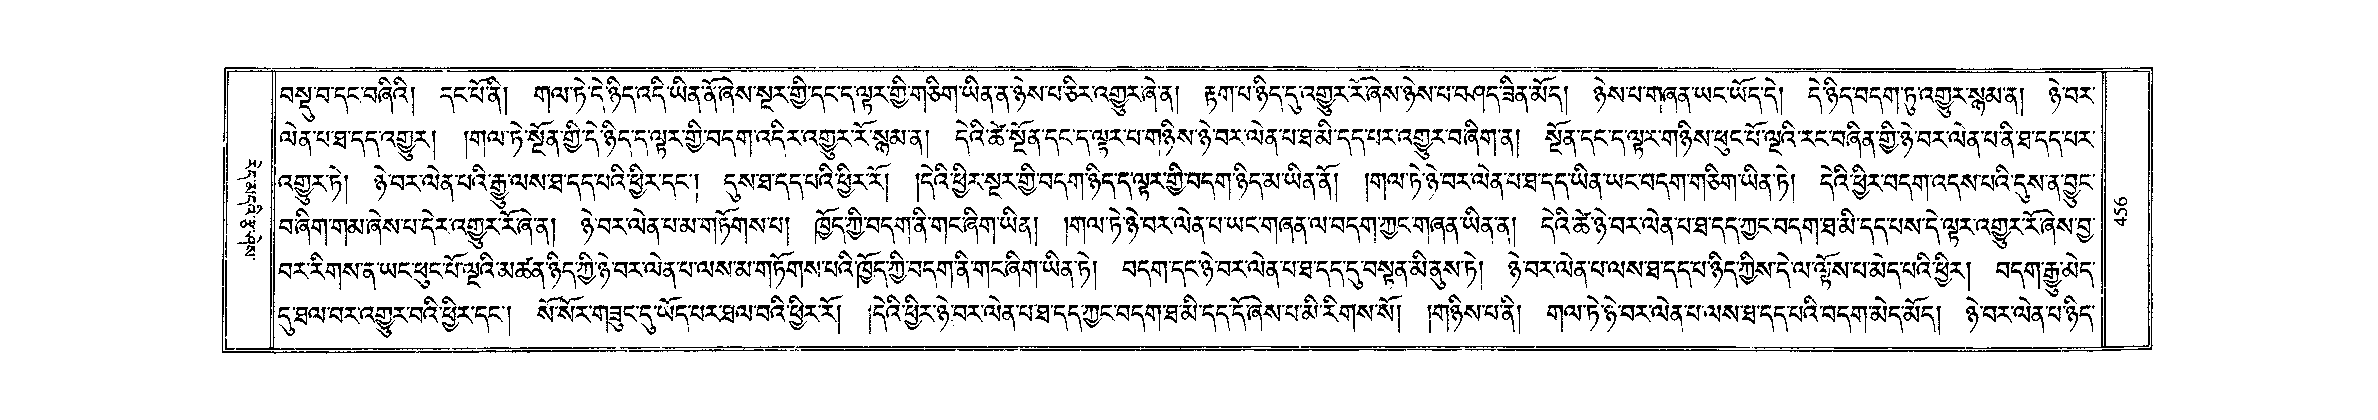བསྡུ་བ་དང་བཞིའི། དང་པོ་ནི། གལ་ཏེ་དེ་ཉིད་འདི་ཡིན་ནོ་ཞེས་སྔར་གྱི་དང་ད་ལྟར་གྱི་གཅིག་ཡིན་ན་ཉེས་པ་ཅིར་འགྱུར་ཞེ་ན། རྟག་པ་ཉིད་དུ་འགྱུར་རོ་ཞེས་ཉེས་པ་བཤད་ཟིན་མོད། ཉེས་པ་གཞན་ཡང་ཡོད་དེ། དེ་ཉིད་བདག་ཏུ་འགྱུར་སྙམ་ན། ཉེ་བར་
ལེན་པ་ཐ་དད་འགྱུར། །གལ་ཏེ་སྔོན་གྱི་དེ་ཉིད་ད་ལྟར་གྱི་བདག་འདིར་འགྱུར་རོ་སྙམ་ན། དེའི་ཚེ་སྔོན་དང་ད་ལྟར་བ་གཉིས་ཉེ་བར་ལེན་པ་ཐ་མི་དད་པར་འགྱུར་བ་ཞིག་ན། སྔོན་དང་ད་ལྟར་གཉིས་ཕུང་པོ་ལྔའི་རང་བཞིན་གྱི་ཉེ་བར་ལེན་པ་ནི་ཐ་དད་པར་
འགྱུར་ཏེ། ཉེ་བར་ལེན་པའི་རྒྱུ་ལས་ཐ་དད་པའི་ཕྱིར་དང་། དུས་ཐ་དད་པའི་ཕྱིར་རོ། །དེའི་ཕྱིར་སྔར་གྱི་བདག་ཉིད་ད་ལྟར་གྱི་བདག་ཉིད་མ་ཡིན་ནོ། །གལ་ཏེ་ཉེ་བར་ལེན་པ་ཐ་དད་ཡིན་ཡང་བདག་གཅིག་ཡིན་ཏེ། དེའི་ཕྱིར་བདག་འདས་པའི་དུས་ན་བྱུང་
བ་ཞིག་གམ་ཞེས་པ་དེར་འགྱུར་རོ་ཞེ་ན། ཉེ་བར་ལེན་པ་མ་གཏོགས་པ། ཁྱོད་ཀྱི་བདག་ནི་གང་ཞིག་ཡིན། །གལ་ཏེ་ཉེ་བར་ལེན་པ་ཡང་གཞན་ལ་བདག་ཀྱང་གཞན་ཡིན་ན། དེའི་ཚེ་ཉེ་བར་ལེན་པ་ཐ་དད་ཀྱང་བདག་ཐ་མི་དད་པས་དེ་ལྟར་འགྱུར་རོ་ཞེས་བྱ་
བར་རིགས་ན་ཡང་ཕུང་པོ་ལྔའི་མཚན་ཉིད་ཀྱི་ཉེ་བར་ལེན་པ་ལས་མ་གཏོགས་པའི་ཁྱོད་ཀྱི་བདག་ནི་གང་ཞིག་ཡིན་ཏེ། བདག་དང་ཉེ་བར་ལེན་པ་ཐ་དད་དུ་བསྟན་མི་ནུས་ཏེ། ཉེ་བར་ལེན་པ་ལས་ཐ་དད་པ་ཉིད་ཀྱིས་དེ་ལ་ལྟོས་པ་མེད་པའི་ཕྱིར། བདག་རྒྱུ་མེད་
དུ་ཐལ་བར་འགྱུར་བའི་ཕྱིར་དང་། སོ་སོར་གཟུང་དུ་ཡོད་པར་ཐལ་བའི་ཕྱིར་རོ། །དེའི་ཕྱིར་ཉེ་བར་ལེན་པ་ཐ་དད་ཀྱང་བདག་ཐ་མི་དད་དོ་ཞེས་པ་མི་རིགས་སོ། །གཉིས་པ་ནི། གལ་ཏེ་ཉེ་བར་ལེན་པ་ལས་ཐ་དད་པའི་བདག་མེད་མོད། ཉེ་བར་ལེན་པ་ཉིད་